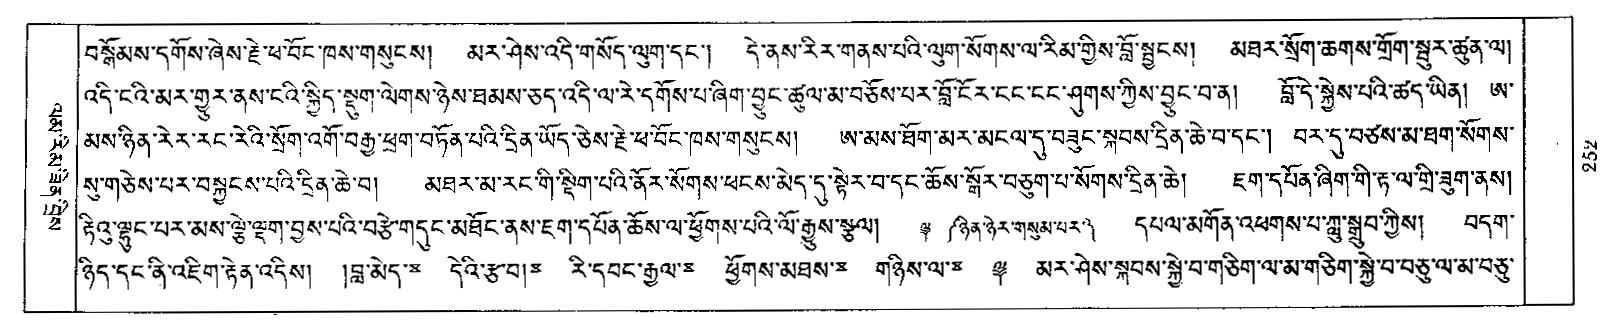བསྒོམས་དགོས་ཞེས་རྗེ་ཕ་བོང་ཁས་གསུངས། མར་ཤེས་འདི་གསོད་ལུག་དང་། དེ་ནས་རིར་གནས་པའི་ལུག་སོགས་ལ་རིམ་གྱིས་བློ་སྦྱངས། མཐར་སྲོག་ཆགས་གྲོག་སྦུར་ཚུན་ལ།
འདི་ངའི་མར་གྱུར་ནས་ངའི་སྐྱིད་སྡུག་ལེགས་ཉེས་ཐམས་ཅད་འདི་ལ་རེ་དགོས་པ་ཞིག་བྱུང་ཚུལ་མ་བཅོས་པར་བློ་ངོར་ངང་ངང་ཤུགས་ཀྱིས་བྱུང་བ་ན། བློ་དེ་སྐྱེས་པའི་ཚད་ཡིན། ཨ་
མས་ཉིན་རེར་རང་རེའི་སྲོག་འགོ་བརྒྱ་ཕྲག་བཏོན་པའི་དྲིན་ཡོད་ཅེས་རྗེ་ཕ་བོང་ཁས་གསུངས། ཨ་མས་ཐོག་མར་མངལ་དུ་བཟུང་སྐབས་དྲིན་ཆེ་བ་དང་། བར་དུ་བཙས་མ་ཐག་སོགས་
སུ་གཅེས་པར་བསྐྱངས་པའི་དྲིན་ཆེ་བ། མཐར་མ་རང་གི་སྡིག་པའི་ནོར་སོགས་ཕངས་མེད་དུ་སྟེར་བ་དང་ཆོས་སྒོར་བཅུག་པ་སོགས་དྲིན་ཆེ། ཇག་དཔོན་ཞིག་གི་རྟ་ལ་གྲི་ཟུག་ནས།
རྟིའུ་ལྷུང་པར་མས་ལྕེ་ལྡག་བྱས་པའི་བརྩེ་གདུང་མཐོང་ནས་ཇག་དཔོན་ཆོས་ལ་ཕྱོགས་པའི་ལོ་རྒྱུས་སྩལ། ༈ ཉིན་ཉེར་གསུམ་པར྄་དཔལ་མགོན་འཕགས་པ་ཀླུ་སྒྲུབ་ཀྱིས། བདག་
ཉིད་དང་ནི་འཇིག་རྟེན་འདིས། །བླ་མེད་྾་དེའི་རྩ་བ། ྾་རི་དབང་རྒྱལ་྾་ཕྱོགས་མཐས་྾་གཉིས་ལ་྾་༈ མར་ཤེས་སྐབས་སྐྱེ་བ་གཅིག་ལ་མ་གཅིག་སྐྱེ་བ་བཅུ་ལ་མ་བཅུ་